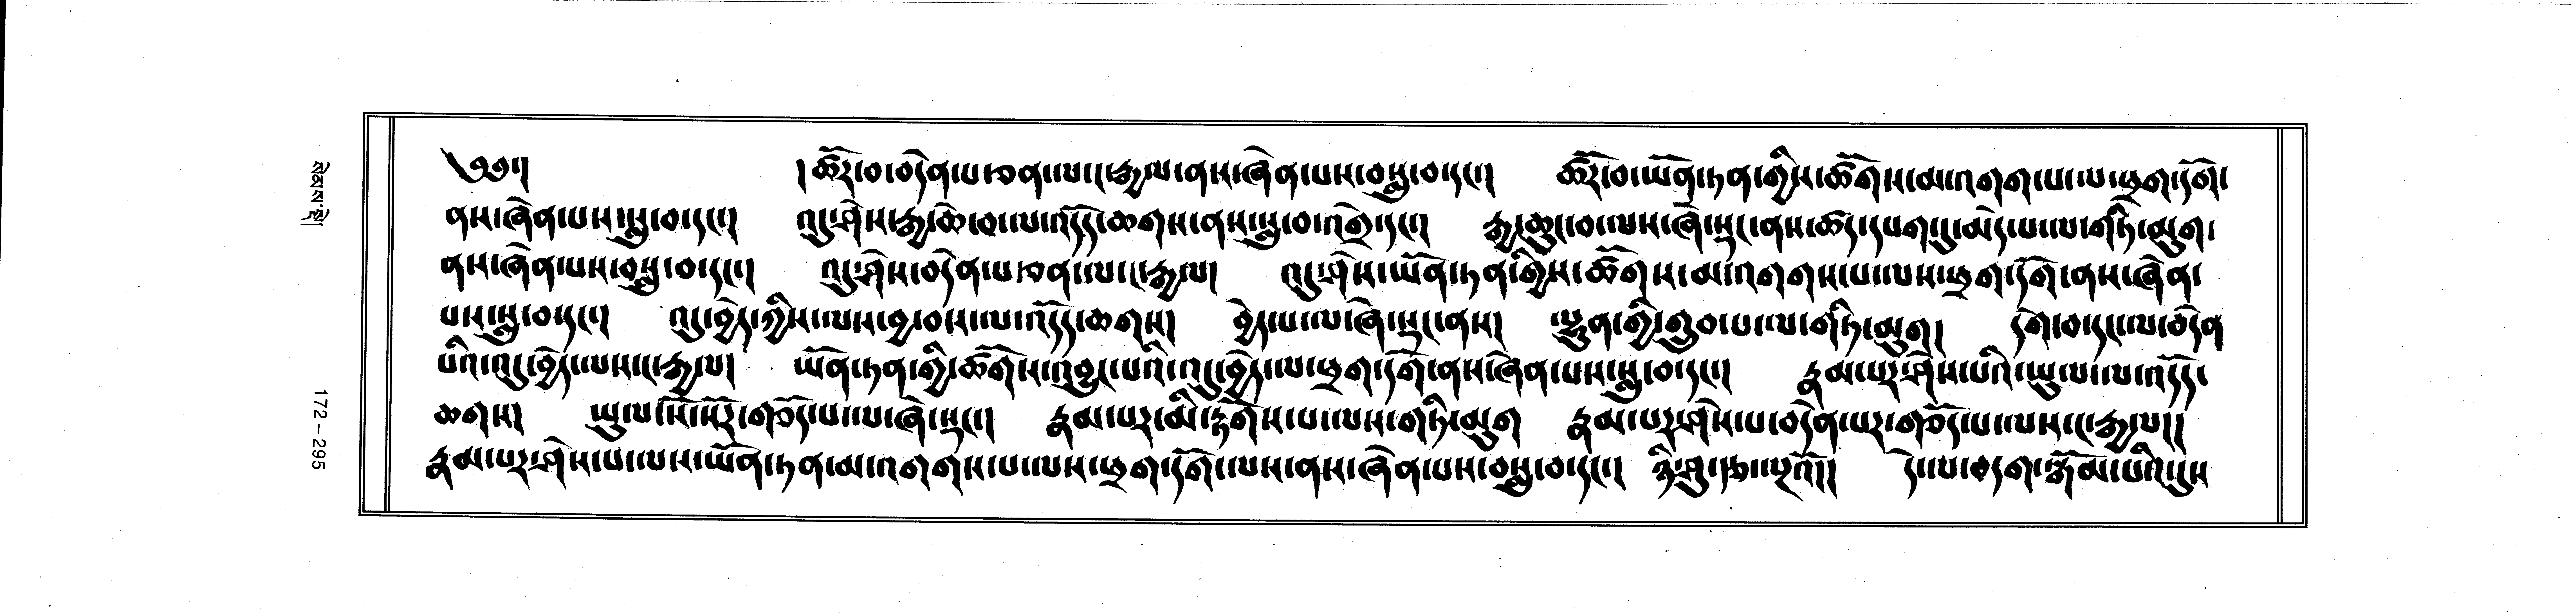ཚོར་བ་བདེན་པ་ཅན་ལ་ང་རྒྱལ་ནས་ཞེན་པས་བསླུ་བ་དང་། ཚོར་བ་ཡོན་ཏན་གྱིས་ཚོགས་མ་འགག་པ་ལ་ཕྲག་དོགས་
ནས་ཞེན་པས་སླུ་བ་དང་། འདུ་ཤེས་རྒྱ་ཆེ་བ་ལ་འདོད་ཆགས་ནས་སླུ་བ་འགྲེ་དང་། རྒྱ་ཆུང་བ་ལས་ཞེ་སྡང་ནས་ཚད་དཔག་དུ་མེད་པ་ལ་གཏི་མུག་
ནས་ཞེན་པས་བསླུ་བ་དང་། འདུ་ཤེས་བདེན་པ་ཅན་ལ་ང་རྒྱལ། འདུ་ཤེས་ཡོན་ཏན་གྱིས་ཚོགས་མ་འགགས་པ་ལས་ཕྲག་དོགས་ནས་ཞེན་
པས་སླུ་བ་དང་། འདུ་བྱེད་ཀྱིས་ལས་བྱ་བས་ལ་འདོད་ཆགས། བྱེད་པ་ལ་ཞེ་སྡང་ནས། ལྷུན་གྱི་གྲུབ་པ་ལ་གཏི་མུག་དགེ་བ་དང་ལ་བདེན་
པའི་འདུ་བྱེད་ལས་ང་རྒྱལ། ཡོན་ཏན་གྱི་ཚོགས་འབྱུང་པའི་འདུ་བྱེད་ལ་ཕྲག་དོགས་ནས་ཞེན་པས་སླུ་བ་དང་། རྣམ་པར་ཤེས་པའི་ཡུལ་ལ་འདོད་
ཆགས། ཡུལ་སོ་སོར་གཅོད་པ་ལ་ཞེ་སྡང་། རྣམ་པར་མི་རྟོགས་པ་ལས་གཏི་མུག རྣམ་པར་ཤེས་པ་བདེན་པར་གཅོད་པ་ལས་ང་རྒྱལ། 
རྣམ་པར་ཤེས་པ་ལས་ཡོན་ཏན་མ་འགགས་པ་ལས་ཕྲག་དོགས་ནས་ཞེན་པས་བསླུ་བ་དང་། ཉི་ཤུ་རྩ་ལྔའོ། དེ་ལ་བདག་སྒོམ་པའི་དུས་སུ།